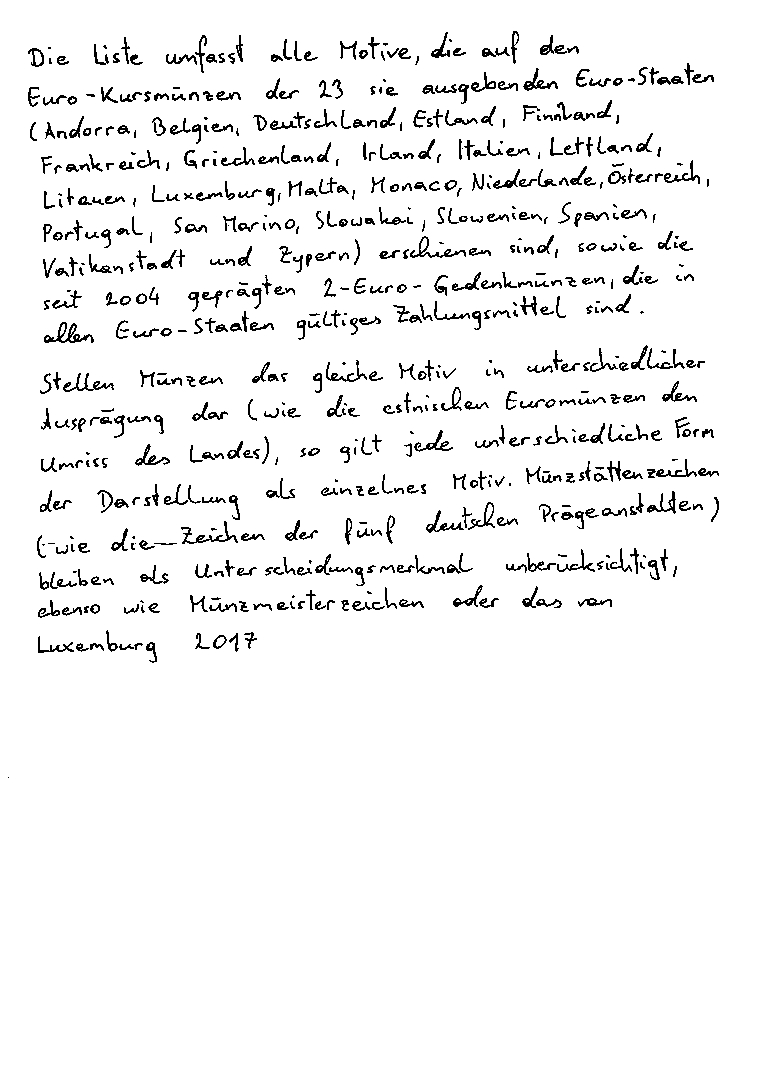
Die Liste umfasst alle Motive, die auf den
Euro-Kursmünzen der 23 sie ausgebenden Euro-Staaten
(Andorra, Belgien, Deutschland, Estland, Finnland,
Frankreich, Griechenland, Irland, Italien, Lettland,
Litauen, Luxemburg, Malta, Monaco, Niederlande, Österreich,
Portugal, San Marino, Slowakei, Slowenien, Spanien,
Vatikanstadt und Zypern) erschienen sind, sowie die
seit 2004 geprägten 2-Euro-Gedenkmünzen, die in
allen Euro-Staaten gültiges Zahlungsmittel sind.
Stellen Münzen das gleiche Motiv in unterschiedlicher
Ausprägung dar (wie die estnischen Euromünzen den
Umriss des Landes), so gilt jede unterschiedliche Form
der Darstellung als einzelnes Motiv. Münzstättenzeichen
(wie die Zeichen der fünf deutschen Prägeanstalten)
bleiben als Unterscheidungsmerkmal unberücksichtigt,
ebenso wie Münzmeisterzeichen oder das von
Luxemburg 2017
